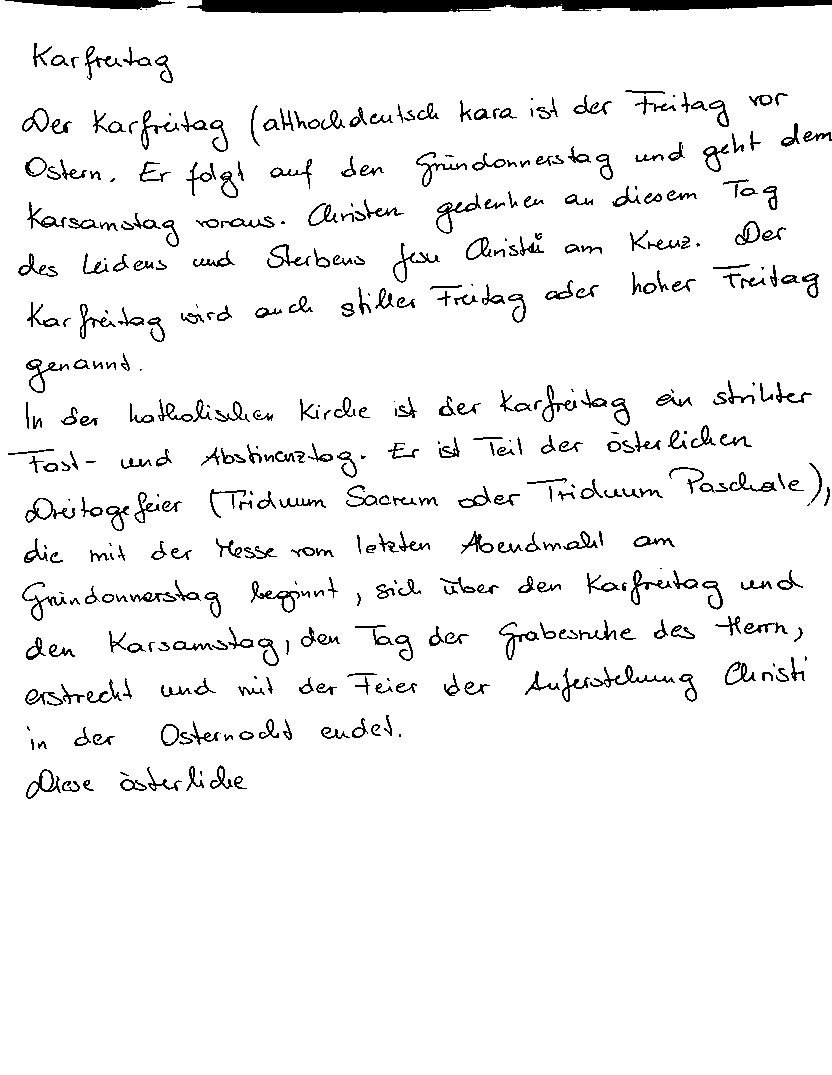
Karfreitag
Der Karfreitag (althochdeutsch kara ist der Freitag vor
Ostern. Er folgt auf den Gründonnerstag und geht dem
Karsamstag voraus. Christen gedenken an diesem Tag
des Leidens und Sterbens Jesu Christi am Kreuz. Der
Karfreitag wird auch stiller Freitag oder hoher Freitag
genannt.
In der katholischen Kirche ist der Karfreitag ein strikter
Fast- und Abstinenztag. Er ist Teil der Österlichen
Dreitagefeier (Triduum Sacrum oder Triduum Paschale),
die mit der Messe vom letzten Abendmahl am
Gründonnerstag beginnt, sich über den Karfreitag und
den Karsamstag, den Tag der Grabesruhe des Herrn,
erstreckt und mit der Feier der Auferstehung Christi
in der Osternacht endet.
Diese österliche
